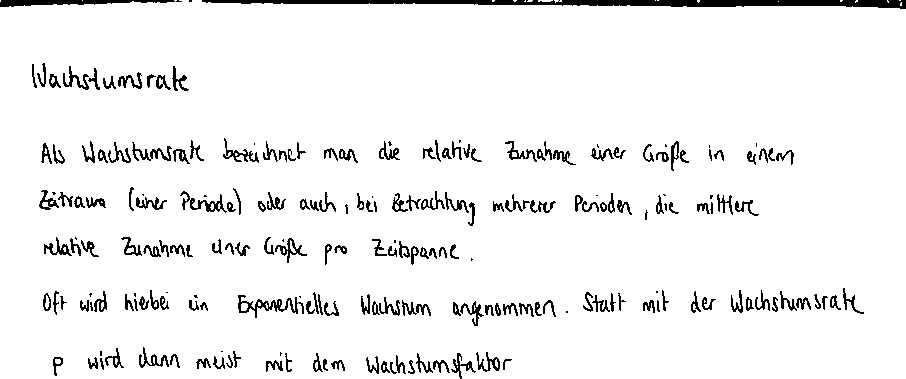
Wachstumsrate
Als Wachstumsrate bezeichnet man die relative Zunahme einer Größe in einem
Zeitraum (einer Periode) oder auch. bei Betrachtung mehrerer Perioden, die mittlere
relative Zunahme einer Größe pro Zeitspanne.
Oft wird hierbei ein Exponentielles Wachstum angenommen. Statt mit der Wachstumsrate
P wird dann meist mit dem Wachstumsfaktor
